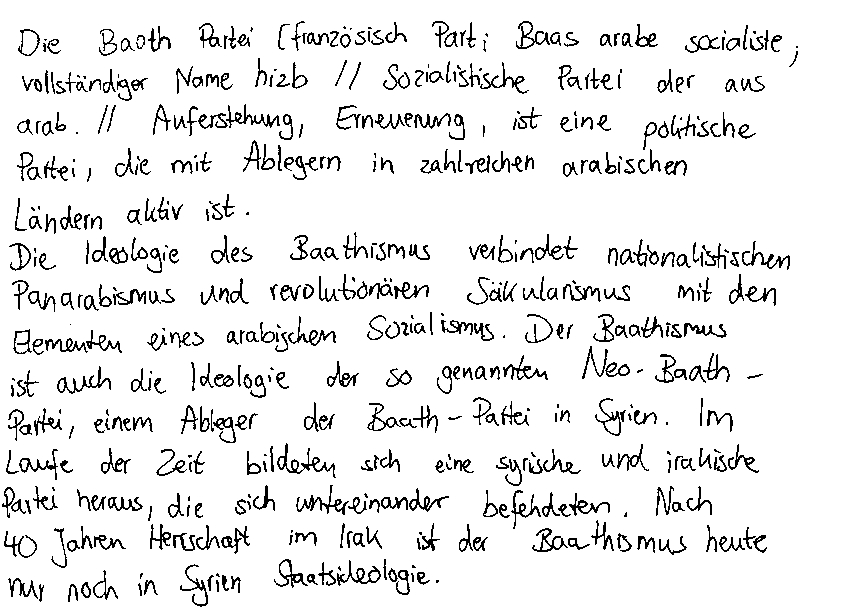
Die Baath Partei (französisch Parti Baas arabe socialiste;
vollständiger Name hizb / / Sozialistische Partei der aus
arab. / / Auferstehung, Erneuerung, ist eine politische
Partei, die mit Ablegern in zahlreichen arabischen
Ländern aktiv ist.
Die Ideologie des Baathismus verbindet nationalistischen
Panarabismus und revolutionären Säkularismus mit den
Elementen eines arabischen Sozialismus. Der Baathismus
ist auch die Ideologie der so genannten Neo- Baath-
Partei, einem Ableger der Baath-Partei in Syrien. Im
Laufe der Zeit bildeten sich eine syrische und irakische
Partei heraus, die sich untereinander befehdeten. Nach
40 Jahren Herrschaft im Irak ist der Baathismus heute
nur noch in Syrien Staatsideologie.
